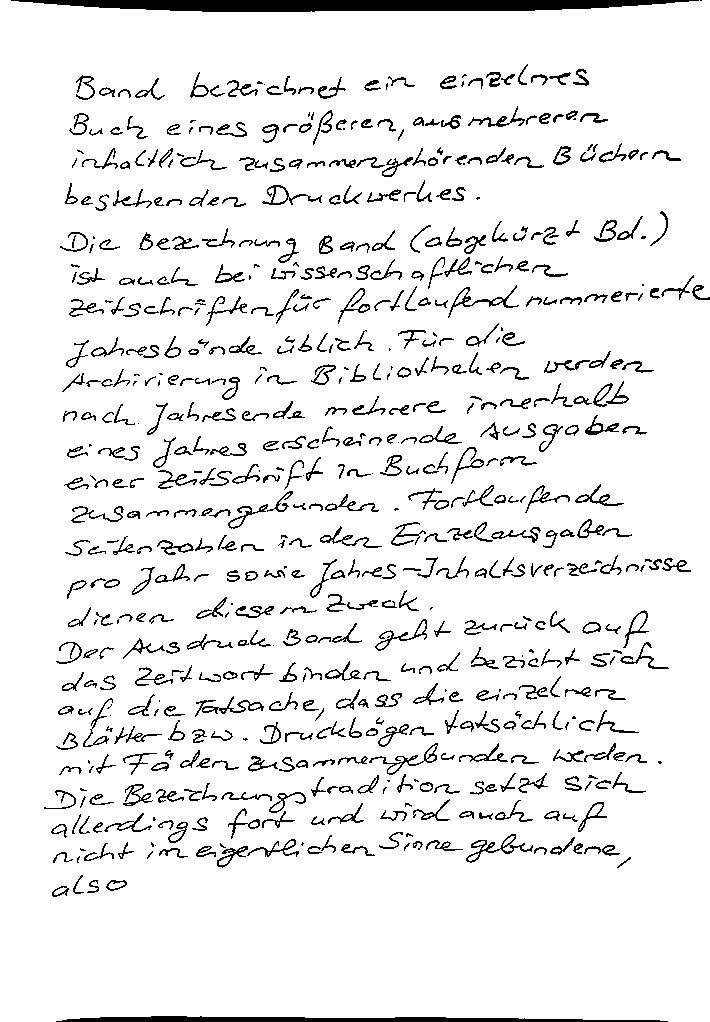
Band bezeichnet ein einzelnes
Buch eines größeren, aus mehreren
inhaltlich zusammengehörenden Büchern
bestehenden Druckwerkes.
Die Bezeichnung Band (abgekürzt Bd.)
ist auch bei wissenschaftlichen
Zeitschriften für fortlaufend nummerierte
Jahresbände üblich. Für die
Archivierung in Bibliotheken werden
nach Jahresende mehrere innerhalb
eines Jahres erscheinende Ausgaben
einer Zeitschrift in Buchform
zusammengebunden. Fortlaufende
Seitenzahlen in den Einzelausgaben
pro Jahr sowie Jahres-Inhaltsverzeichnisse
dienen diesem Zweck.
Der Ausdruck Band geht zurück auf
das Zeitwort binden und bezieht sich
auf die Tatsache, dass die einzelnen
Blätter bzw. Druckbögen tatsächlich
mit Fäden zusammengebunden werden.
Die Bezeichnungstradition setzt sich
allerdings fort und wird auch auf
nicht im eigentlichen Sinne gebundene,
also
